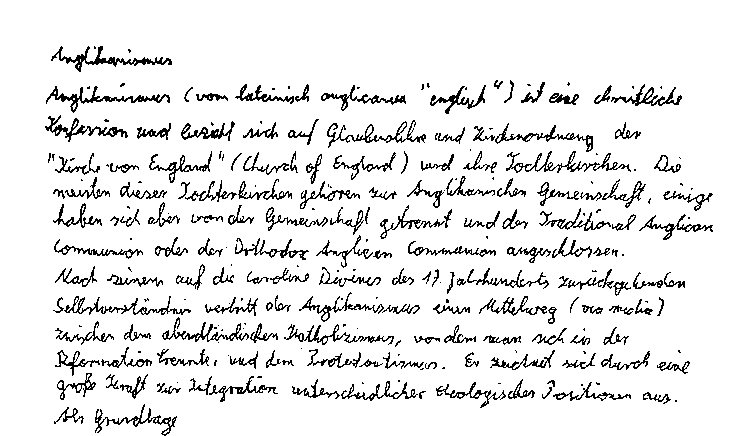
Anglikanismus
Anglikanismus (von lateinisch anglicanus "englisch") ist eine christliche
Konfession und bezieht sich auf Glaubenslehre und Kirchenordnung der
"Kirche von England "(Church of England ) und ihrer Tochterkirchen. Die
meisten dieser Tochterkirchen gehören zur Anglikanischen Gemeinschaft, einige
haben sich aber von der Gemeinschaft getrennt und der Traditional Anglican
Communion oder der Orthodox Anglican Communion angeschlossen.
Nach seinem auf die Caroline Divines des 17 Jahrhunderts zurückgebunden
Selbstverständnis vertritt der Anglikanismus einen Mittelweg (via media)
zwischen dem abendländischen Katholizismus, von dem man sich in der
Reformation trennte, und dem Protestantismus. Er zeichnet sich durch eine
große Kraft zur Integration unterschiedlicher theologischer Positionen aus.
Als Grundlage
